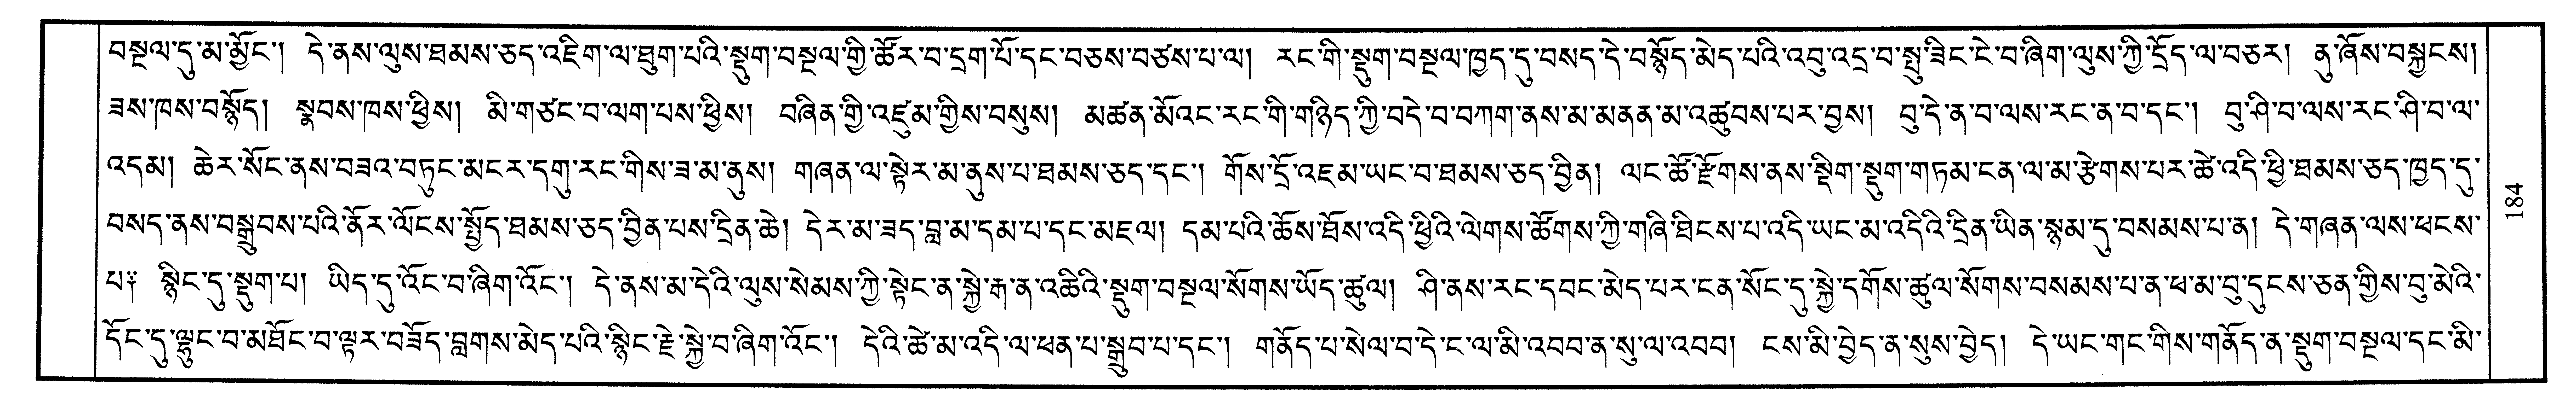བསྔལ་དུ་མ་མྱོང་། དེ་ནས་ལུས་ཐམས་ཅད་འཇིག་ལ་ཐུག་པའི་སྡུག་བསྔལ་གྱི་ཚོར་བ་དྲག་པོ་དང་བཅས་བཙས་པ་ལ། རང་གི་སྡུག་བསྔལ་ཁྱད་དུ་བསད་དེ་བསྙོད་མེད་པའི་འབུ་འདྲ་བ་སྤུ་ཟིང་ངེ་བ་ཞིག་ལུས་ཀྱི་དྲོད་ལ་བཅར། ནུ་ཞོས་བསྐྱངས་
ཟས་ཁས་བསྙོད། སྣབས་ཁས་ཕྱིས། །མི་གཙང་བ་ལག་པས་ཕྱིས། །བཞིན་གྱི་འཛུམ་གྱིས་བསུས། མཚན་མོའང་རང་གི་གཉིད་ཀྱི་བདེ་བ་བཀག་ནས་མ་མནན་མ་འཚུབས་པར་བྱས། བུ་དེ་ན་བ་ལས་རང་ན་བ་དང་། བུ་ཤི་བ་ལས་རང་ཤི་བ་ལ་
འདམ། ཆེར་སོང་ནས་བཟའ་བཏུང་མངར་དགུ་རང་གིས་ཟ་མ་ནུས། །གཞན་ལ་སྟེར་མ་ནུས་པ་ཐམས་ཅད་དང་། གོས་དྲོ་འཇམ་ཡང་བ་ཐམས་ཅད་བྱིན། ལང་ཚོ་རྫོགས་ནས་སྡིག་སྡུག་གཏམ་ངན་ལ་མ་རྩེགས་པར་ཚེ་འདི་ཕྱི་ཐམས་ཅད་ཁྱད་དུ་
བསད་ནས་བསྒྲུབས་པའི་ནོར་ལོངས་སྤྱོད་ཐམས་ཅད་བྱིན་པས་དྲིན་ཆེ། དེར་མ་ཟད་བླ་མ་དམ་པ་དང་མཇལ། དམ་པའི་ཆོས་ཐོས་འདི་ཕྱིའི་ལེགས་ཚོགས་ཀྱི་གཞི་ཐིངས་པ་འདི་ཡང་མ་འདིའི་དྲིན་ཡིན་སྙམ་དུ་བསམས་པ་ན། དེ་གཞན་ལས་ཕངས་
པ༑ སྙིང་དུ་སྡུག་པ། ཡིད་དུ་འོང་བ་ཞིག་འོང་། དེ་ནས་མ་དེའི་ལུས་སེམས་ཀྱི་སྟེང་ན་སྐྱེ་རྒ་ན་འཆིའི་སྡུག་བསྔལ་སོགས་ཡོད་ཚུལ། ཤི་ནས་རང་དབང་མེད་པར་ངན་སོང་དུ་སྐྱེ་དགོས་ཚུལ་སོགས་བསམས་པ་ན་ཕ་མ་བུ་དུངས་ཅན་གྱིས་བུ་མེའི་
དོང་དུ་ལྷུང་བ་མཐོང་བ་ལྟར་བཟོད་བླགས་མེད་པའི་སྙིང་རྗེ་སྐྱེ་བ་ཞིག་འོང་། དེའི་ཚེ་མ་འདི་ལ་ཕན་པ་སྒྲུབ་པ་དང་། གནོད་པ་སེལ་བ་དེ་ང་ལ་མི་འབབ་ན་སུ་ལ་འབབ། ངས་མི་བྱེད་ན་སུས་བྱེད། དེ་ཡང་གང་གིས་གནོད་ན་སྡུག་བསྔལ་དང་མི་